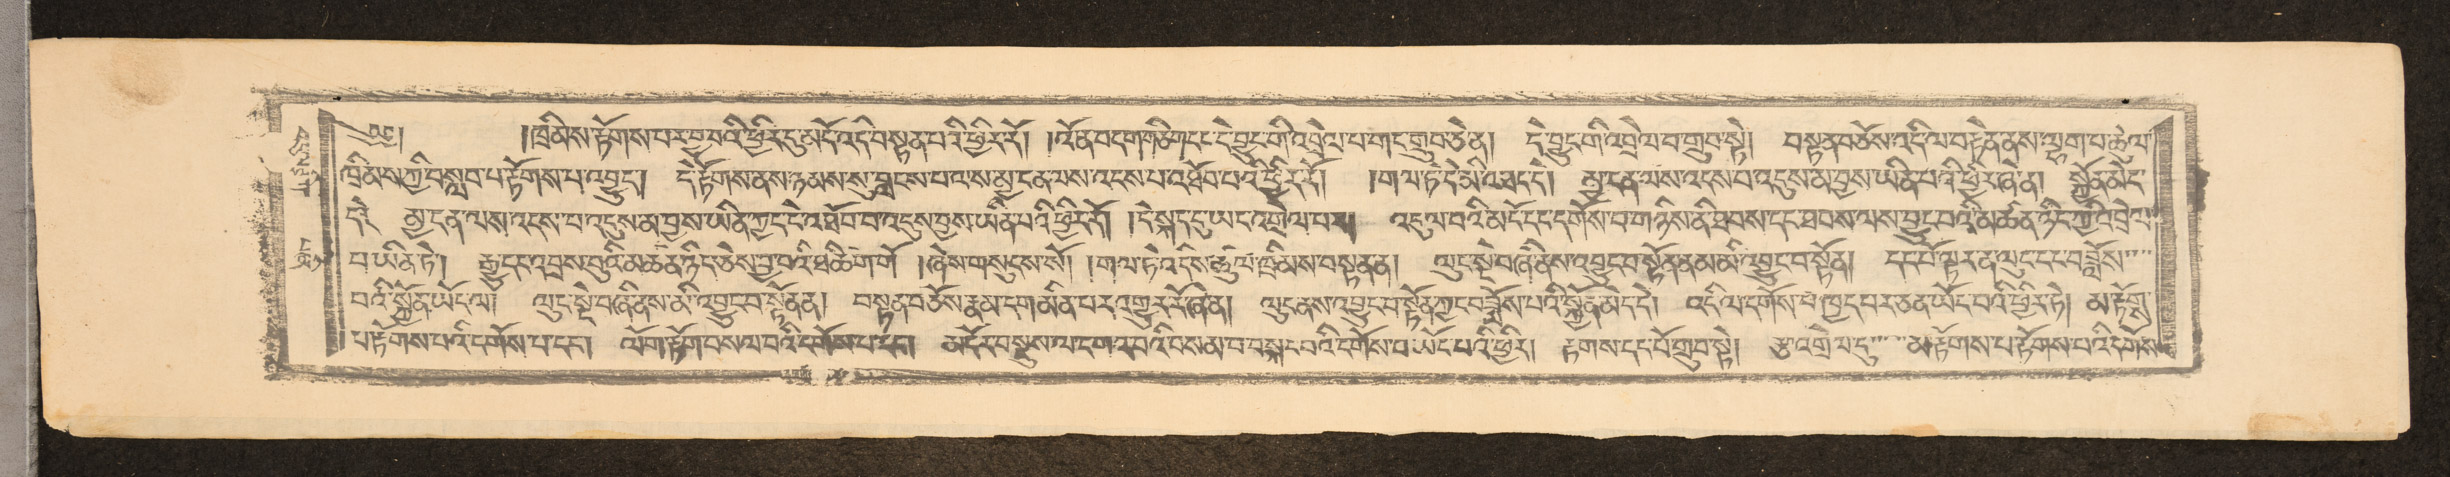༄༅། །ཁྲིམས་རྟོགས་པར་བྱ་བའི་ཕྱིར་དུ་མདོ་འདི་བསྟན་པའི་ཕྱིར་རོ། །འོ་ན་བདག་གཅིག་དང་དེ་བྱུང་གི་འབྲེལ་པ་གང་གྲུབ་ཅེ་ན། དེ་བྱུང་གི་འབྲེལ་པ་གྲུབ་སྟེ། བསྟན་བཅོས་འདི་ལ་བརྟེན་ནས་ལྷག་པ་ཚུལ་
ཁྲིམས་ཀྱི་བསླབ་པ་རྟོགས་པ་འབྱུང་། དེ་རྟོགས་ནས་ཉམས་སུ་བླངས་པ་ལས་མྱ་ངན་ལས་འདས་པ་འཐོབ་པའི་ཕྱིར་རོ། །གལ་ཏེ་དེ་མི་འཐད་དེ། མྱ་ངན་ལས་འདས་པ་འདུས་མ་བྱས་ཡིན་པའི་ཕྱིར་ཞེ་ན། སྐྱོན་མེད་
དེ༑ མྱ་ངན་ལས་འདས་པ་འདུས་མ་བྱས་ཡིན་ཀྱང་དེ་འཐོབ་བ་འདུས་བྱས་ཡིན་པའི་ཕྱིར་རོ། །དེ་སྐད་དུ་ཡང་འགྲེལ་བར། འདུལ་བའི་མདོ་དང་དགོས་པ་གཉིས་ནི་ཐབས་དང་ཐབས་ལས་བྱུང་བའི་མཚན་ཉིད་ཀྱི་འབྲེལ་
པ་ཡིན་ཏེ། རྒྱུ་དང་འབྲས་བུའི་མཚན་ཉིད་ཅེས་བྱ་བའི་ཐ་ཚིག་གོ །ཞེས་གསུངས་སོ། །གལ་ཏེ་འདིས་ཚུལ་ཁྲིམས་བསྟན་ན། ལུང་སྡེ་བཞི་ནས་འབྱུང་བ་སྟོན་ནམ་མི་འབྱུང་བ་སྟོན། དང་པོ་ལྟར་ན་ལུང་དང་བཟློས་
པའི་སྐྱོན་ཡོད་ལ། ལུང་སྡེ་བཞི་ནས་མི་འབྱུང་པ་སྟོན་ན། བསྟན་བཅོས་རྣམས་དག་མིན་པར་འགྱུར་རོ་ཞེ་ན། ལུང་ནས་འབྱུང་བ་སྟོན་ཀྱང་བཟློས་པའི་སྐྱོན་མེད་དེ། འདི་ལ་དགོས་པ་ཁྱད་པར་ཅན་ཡོད་པའི་ཕྱིར་ཏེ། མ་རྟོགས་
པ་རྟོགས་པའི་དགོས་པ་དང་། ལོག་རྟོག་བསལ་བའི་དགོས་པ་དང་། མདོར་བསྡུས་ལ་དགའ་བའི་བསམ་པ་བསྐང་བའི་དགོས་པ་ཡོད་པའི་ཕྱིར། རྟགས་དང་པོ་གྲུབ་སྟེ། རྩ་འགྲེལ་མ་རྟོགས་པ་རྟོགས་པའི་དགོས་